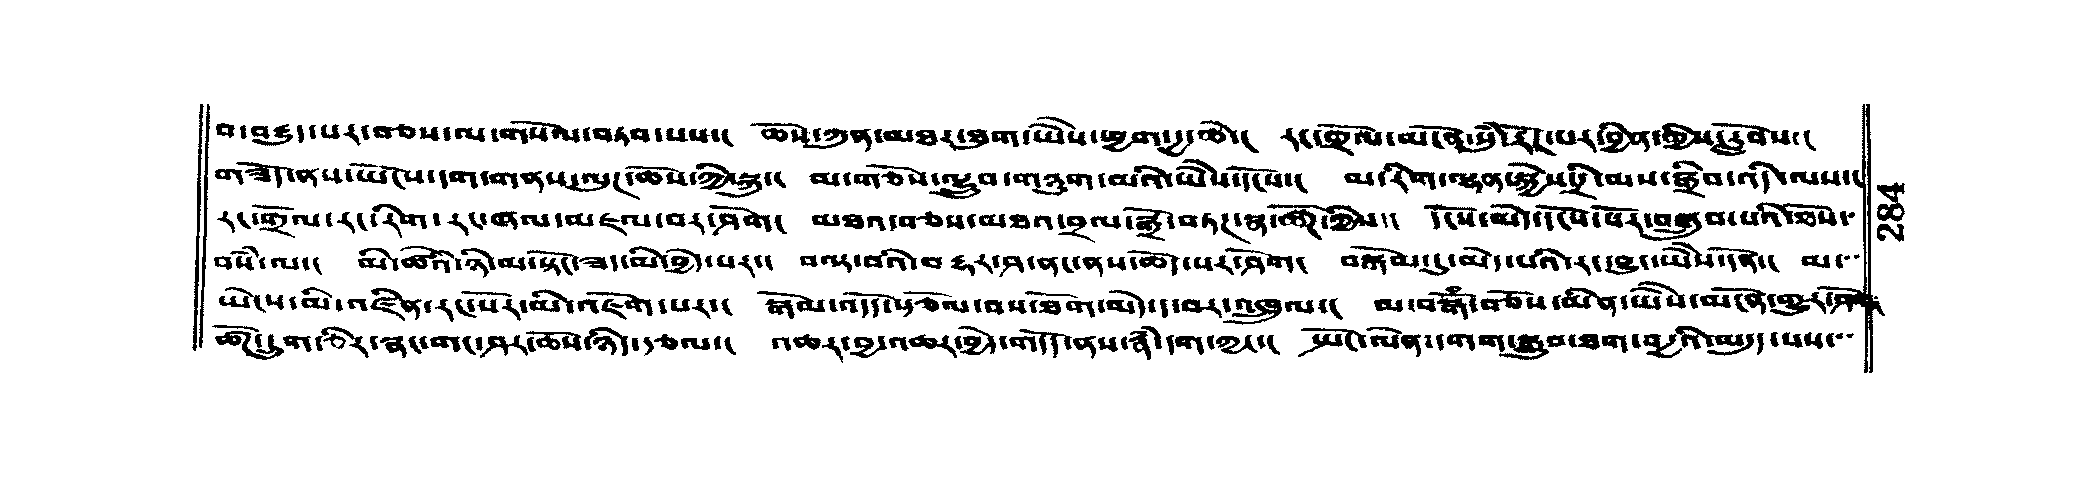བ་བརྒྱུད་པར་བཅས་ལ་གསོལ་བཏབ་པས། །ཆོས་ཀུན་མཐར་ཐུག་ཡེ་ཤེས་ཕྱག་རྒྱ་ཆེ། །རང་གྲོལ་མངོན་སུམ་རྟོགས་པར་བྱིན་གྱིས་རློབས། །
གཟོད་ནས་ཡོངས་དག་གནས་ལུགས་ཆོས་ཀྱི་སྐུ། །མ་གཅོས་ལྷུན་གྲུབ་གཉུག་མའི་ཡེ་ཤེས་དངོས། །མ་རིག་ལྷན་སྐྱེས་དྲི་མས་སྒྲིབས་འདི་ལས། །
རང་གྲོལ་རང་རིག་རང་ཞལ་མཇལ་བར་ཤོག །མཐའ་བཅས་མཐའ་བྲལ་སྒྲོ་བཏགས་སྣ་ཚོགས་ཀྱིས། །དངོས་མེད་དངོས་པོར་བསྒྲུབ་པའི་ཐོས་
བསམ་ལ། །མི་ཚེའི་ཉི་མ་སྟོང་ཟད་མི་བྱེད་པར། །བལྟ་བའི་བརྡར་ཤ་ནང་ནས་ཆོད་པར་ཤོག །བསྒོམ་དུ་མེད་པའི་རང་བྱུང་ཡེ་ཤེས་དོན། །མ་
ཡེངས་མི་འཛིན་རང་སོར་མི་འཇོག་པར། །སྒོམ་འདོད་རྩོལ་བས་ཐོག་མེད་ད་བར་འཁྲུལ། །མ་བསྒོམ་བཅོས་མིན་ཡེ་ཤེས་མངོན་གྱུར་ཤོག།
ཚོགས་དྲུག་ཅིར་སྣང་གང་ཤར་ཆོས་ཉིད་རྩལ། །འཆར་བྱ་འཆར་བྱེད་གདོད་ནས་རྣམ་དག་ཀྱང་། །སྤོང་ལེན་དགག་སྒྲུབ་ཐག་བརྒྱའི་མདུད་པས་